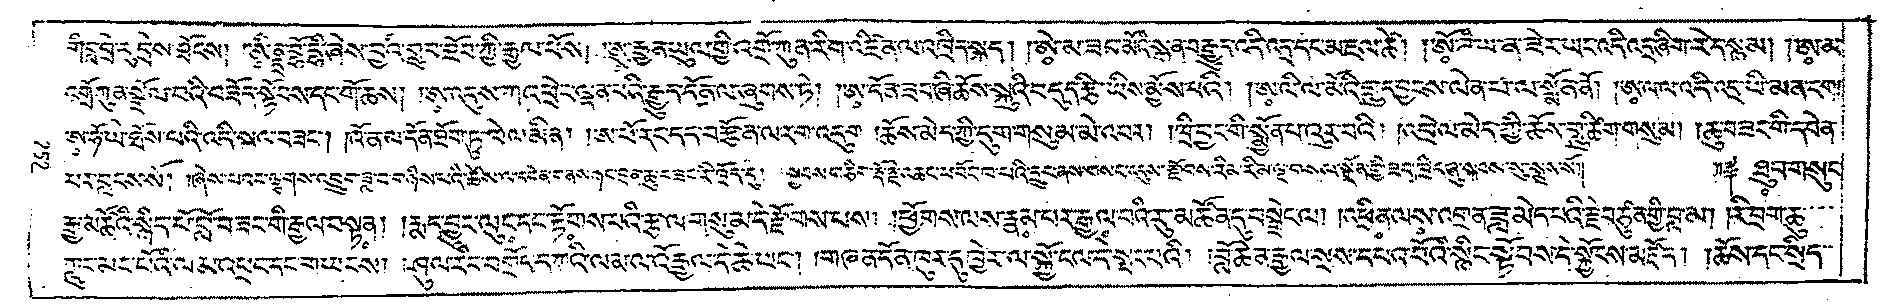གི་བླ་བྲེ་རུ་བྲེས་ཐོངས། །ཨིནྡྲ྾་བྷོ་དྷི་ཞེས་བྱའི་གྲུབ་ཐོབ་ཀྱི་རྒྱལ་པོས། །ཨུ྾་རྒྱན་ཡུལ་གྱི་འགྲོ་ཀུན་རིག་འཛིན་ལ་འཁྲིད་སྐད། །ཨེ྾་མ་ཟབ་མོའི་སྙན་བརྒྱུད་འདི་འདྲ་དང་མཇལ་ཚེ། །ཨོ྾་ཌི་ཡ་ན་ཟེར་ཡང་འདི་འདྲ་ཞིག་རེད་སྙམ། །ཨ྾་མ་
འགྲོ་ཀུན་སྒྲོལ་བའི་བཟོད་སྟོབས་དང་གོ་ཆས། །ཨ྾་འདུས་ཀ་འཕྲེང་ལྡན་པའི་རྒྱུད་དོན་ལ་ཞུགས་ཏེ། །ཨ྾་དོན་ཟབ་ཞི་ཆོས་སྐུའི་བདུད་རྩི་ཡིས་མྱོས་པའི། །ཨ྾་ལི་ལ་མོའི་གླུ་དབྱངས་ལེན་པ་ལ་སྨོན་ནོ། །ཨ྾་ལ་ལ་འདི་འདྲ་ཡི་མན་ངག །
ཨ྾་ཧོ་ཡེ་ཐོས་པའི་འདི་སྐལ་བཟང་། །འོ་ན་ལ་དོན་ཐོག་ཏུ་ཁེལ་མིན། །ཨ་ཕོ་རང་དད་བརྩོན་ལ་རག་འདུག །ཆོས་མེད་ཀྱི་དུག་གསུམ་མེ་འབར། །ཁྲི་བྱང་གི་སྨྱོན་པ་འུར་བའི། །འབྲེལ་མེད་ཀྱི་ཆོས་གླུ་ཚིག་གསུམ། །ཆུ་བཟང་གི་དབེན་
པར་བླངས་སོ། ། ཞེས་པའང་ལྕགས་འབྲུག་ཟླ་བ་གཉིས་པའི་ཚེས་ལ་དབེན་གནས་ཉང་བྲན་ཆུ་བཟང་རི་ཁྲོད་དུ། ༧སྐྱབས་གཅིག་རྡོ་རྗེ་འཆང་ཕ་བོང་ཁ་པའི་དྲུང་ནས་གསང་འདུས་རྫོགས་རིམ་རིམ་ལྔ་གསལ་སྒྲོན་གྱི་ཟབ་ཁྲིད་ཞུ་སྐབས་སུ་སྨྲས་སོ།།  །། ༈ ཐུབ་གསུང་
རྒྱ་མཚོའི་སྙིང་པོ་བློ་བཟང་གི་རྒྱལ་བསྟན྾། །རྨད་བྱུང་ལུང྾་དང་རྟོགས྾་པའི་རྩལ་གསུམ་དེ་རྫོགས་པས། །ཕྱོགས་ལས་རྣམ྾་པར་རྒྱལ྾་བའི་རུ་མཚོན་དུ་བསྒྲེང་ལ། །འཕྲིན྾་ལས྾་འགྲན་ཟླ་མེད་པའི་རྗེ་བཙུན་གྱི་བླ་མ། །རི་བྲག་ཆུ་
ཀླུང་མང་པོའི་ལམ་འཕྲང་དང་གཡངས། །ཤུལ་རིང་བགྲོད་དཀའི་ལམ་ལ་འོ་རྒྱལ་དེ་ཆེ་ཡང་། །གཞན་དོན་ཁུར་དུ་ཁྱེར་ལ་སྐྱོ་ངལ་དེ་སྤང་པའི། །བློ་ཆེན་རྒྱལ་སྲས་དཔའ་བོའི་སྙིང་སྟོབས་དེ་སྐྱོངས་མཛོད། །ཆོས་དང་སྲིད་